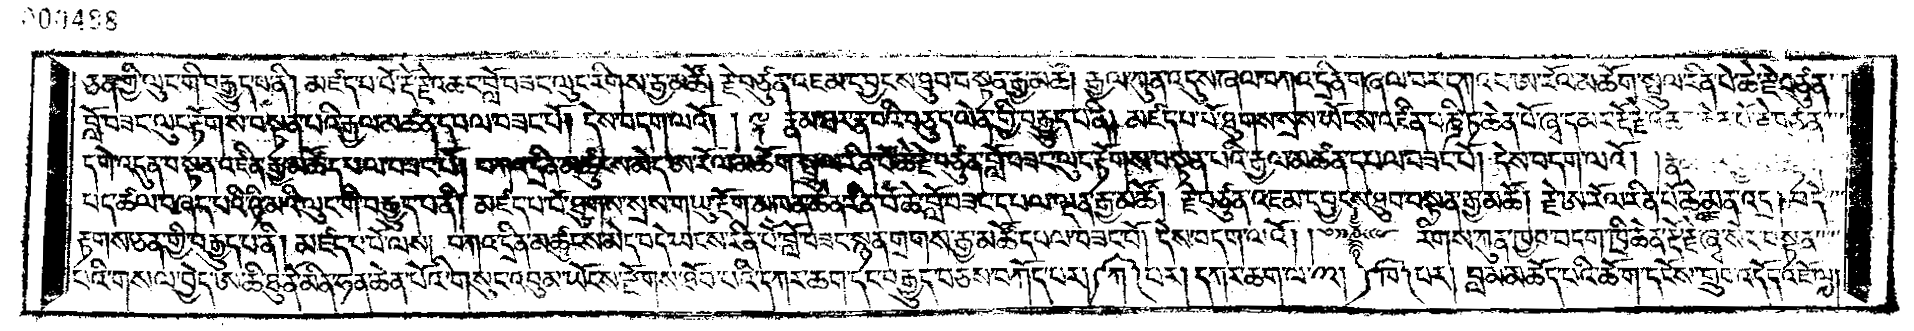ཅན་གྱི་ལུང་གི་བརྒྱུད་པ་ནི། མཛད་པ་པོ་རྡོ་རྗེ་འཆང་བློ་བཟང་ལུང་རིགས་རྒྱ་མཚོ། རྗེ་བཙུན་འཇམ་དབྱངས་ཐུབ་བསྟན་རྒྱ་མཚོ། རྒྱལ་ཀུན་འདུས་ཞལ་བཀའ་དྲིན་གཞལ་བར་དཀའ་བ་ཨ་རོལ་མཆོག་སྤྲུལ་རིན་པོ་ཆེ་རྗེ་བཙུན་
བློ་བཟང་ལུང་རྟོགས་བསྟན་པའི་རྒྱལ་མཚན་དཔལ་བཟང་པོ། དེས་བདག་ལའོ། །༈ རྣམ་ཐར་རྣ་བའི་བཅུད་ལེན་གྱི་བརྒྱུད་པ་ནི། མཛད་པ་པོ་ཐུགས་སྲས་ཡོངས་འཛིན་པཎྜི་ཏ་ཆེན་པོ་ཞྭ་དམར་རྡོ་རྗེ་འཆང་ཆེན་པོ་རྗེ་བཙུན་
དགེ་འདུན་བསྟན་འཛིན་རྒྱ་མཚོ་དཔལ་བཟང་པོ། བཀའ་དྲིན་མཚུངས་མེད་ཨ་རོལ་མཆོག་སྤྲུལ་རིན་པོ་ཆེ་རྗེ་བཙུན་བློ་བཟང་ལུང་རྟོགས་བསྟན་པའི་རྒྱལ་མཚན་དཔལ་བཟང་པོ། དེས་བདག་ལའོ། །རྣམ་ཐར་རྒྱལ་བསྟན་
པད་ཚལ་བཞད་པའི་ཉི་མའི་ལུང་གི་བརྒྱུད་པ་ནི། མཛད་པ་པོ་ཐུགས་སྲས་གཡུ་རྡོག་མཁན་ཆེན་རིན་པོ་ཆེ་བློ་བཟང་དཔལ་ལྡན་རྒྱ་མཚོ། རྗེ་བཙུན་འཇམ་དབྱངས་ཐུབ་བསྟན་རྒྱ་མཚོ། རྗེ་ཨ་རོལ་རིན་པོ་ཆེ་མན་འདྲ། བདེ་
རྟགས་ཅན་གྱི་བརྒྱུད་པ་ནི། མཛད་པ་པོ་ལས། བཀའ་དྲིན་མཚུངས་མེད་བདེ་ཡངས་རིན་པོ་བློ་བཟང་སྙན་གྲགས་རྒྱ་མཚོ་དཔལ་བཟང་པོ། དེས་བདག་ལའོ། །༈ རིགས་ཀུན་ཁྱབ་བདག་ཁྲི་ཆེན་རྡོ་རྗེ་ཞྭ་སེར་བསྟན་
པའི་གསལ་བྱེད་ཨ་ཆི་ཐུ་ནོ་མིན་ཧན་ཆེན་པོའི་གསུང་འབུམ་ཡོངས་རྫོགས་ཐོབ་པའི་དཀར་ཆག་དང་བརྒྱུད་བཅས་བཀོད་པར། ༼ཀ༽ པར། དཀར་ཆག་ལ༣། ༼ཁ༽ པར། བླ་མ་མཆོད་པའི་ཆོ་ག་དངོས་གྲུབ་འདོད་འཇོ་ལ༧།